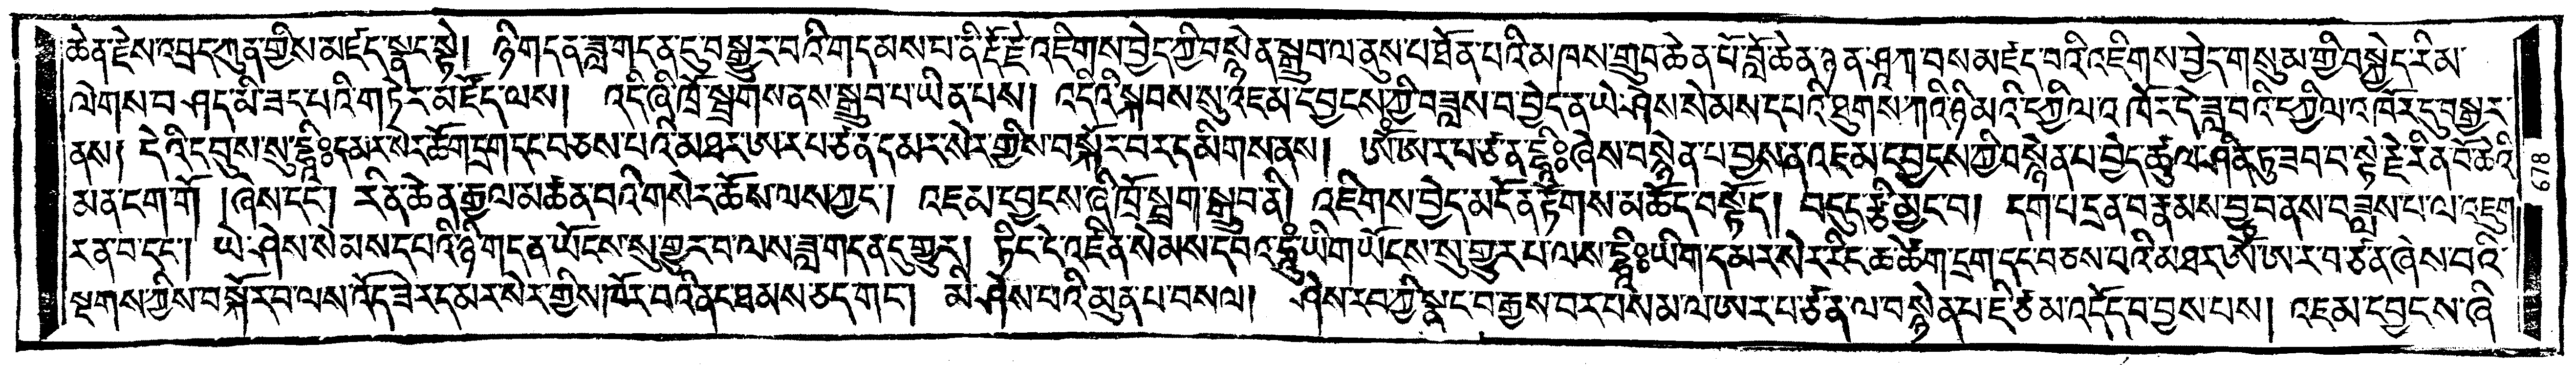ཆེན་རྗེས་འབྲང་ཀུན་གྱིས་མཛད་སྣང་སྟེ། ཉི་གདན་ཟླ་གདན་དུ་བསྒྱུར་བའི་གདམས་པ་ནི་རྡོ་རྗེ་འཇིགས་བྱེད་ཀྱི་བསྙེན་སྒྲུབ་ལ་ནུས་པ་ཐོན་པའི་མཁས་གྲུབ་ཆེན་པོ་བློ་ཆེན་ཉན་ཤཱཀ་བས་མཛད་པའི་འཇིགས་བྱེད་གསུམ་གྱི་བསྐྱེད་རིམ་
ལེགས་བཤད་མི་ཟད་པའི་གཏེར་མཛོད་ལས། འདི་ཞི་ཁྲོ་སྦྲགས་ནས་སྒྲུབ་པ་ཡིན་པས། འདིའི་སྐབས་སུ་འཇམ་དབྱངས་ཀྱི་བཟླས་པ་བྱེད་ན་ཡེ་ཤེས་སེམས་དཔའི་ཐུགས་ཀའི་ཉི་མའི་དཀྱིལ་འཁོར་དེ་ཟླ་བའི་དཀྱིལ་འཁོར་དུ་བསྒྱུར་
ནས༑ དེའི་དབུས་སུ་དྷཱིཿདམར་སེར་ཆོག་དྲག་དང་བཅས་པའི་མཐར་ཨ་ར་པ་ཙ་ན་དམར་སེར་གྱིས་བསྐོར་བར་དམིགས་ནས། ཨོཾ་ཨ་ར་པ་ཙ་ན་དྷཱིཿཞེས་བསྙེན་པ་བྱས་ན་འཇམ་དབྱངས་ཀྱི་བསྙེན་པ་བྱེད་ཚུལ་ཤིན་ཏུ་ཟབ་བ་སྟེ་རྗེ་རིན་པོ་ཆེའི་
མན་ངག་གོ །ཞེས་དང་། རིན་ཆེན་རྒྱལ་མཚན་བའི་གསེར་ཆོས་ལས་ཀྱང་། འཇམ་དབྱངས་ཞི་ཁྲོ་སྦྲག་སྒྲུབ་ནི། འཇིགས་བྱེད་མངོན་རྟོགས་མཆོད་བསྟོད། བདུད་རྩི་མྱང་བ། དག་པ་དྲན་པ་རྣམས་བྱ་བ་ནས་བཟླས་པ་ལ་འཇུག་
རན་བ་དང་། ཡེ་ཤེས་སེམས་དཔའི་ཉི་གདན་ཡོངས་སུ་གྱུར་བ་ལས་ཟླ་གདན་དུ་གྱུར། ཏིང་ངེ་འཛིན་སེམས་དཔའ་ཧཱུཾ་ཡིག་ཡོངས་སུ་གྱུར་པ་ལས་དྷཱིཿཡིག་དམར་སེར་རིང་ཆ་ཚེག་དྲག་དང་བཅས་པའི་མཐར་ཨོཾ་ཨ་ར་པ་ཙ་ན་ཞེས་པའི་
སྔགས་ཀྱིས་བསྐོར་བ་ལས་འོད་ཟེར་དམར་སེར་གྱིས་ཁོར་བའི་ནང་ཐམས་ཅད་གང་། མི་ཤེས་པའི་མུན་པ་བསལ། ཤེས་རབ་ཀྱི་སྣང་བ་རྒྱས་པར་བསམ་ལ་ཨ་ར་པ་ཙ་ན་ལ་བསྙེན་པ་ཇི་ཙམ་འདོད་པ་བྱས་པས། འཇམ་དབྱངས་ཞི་